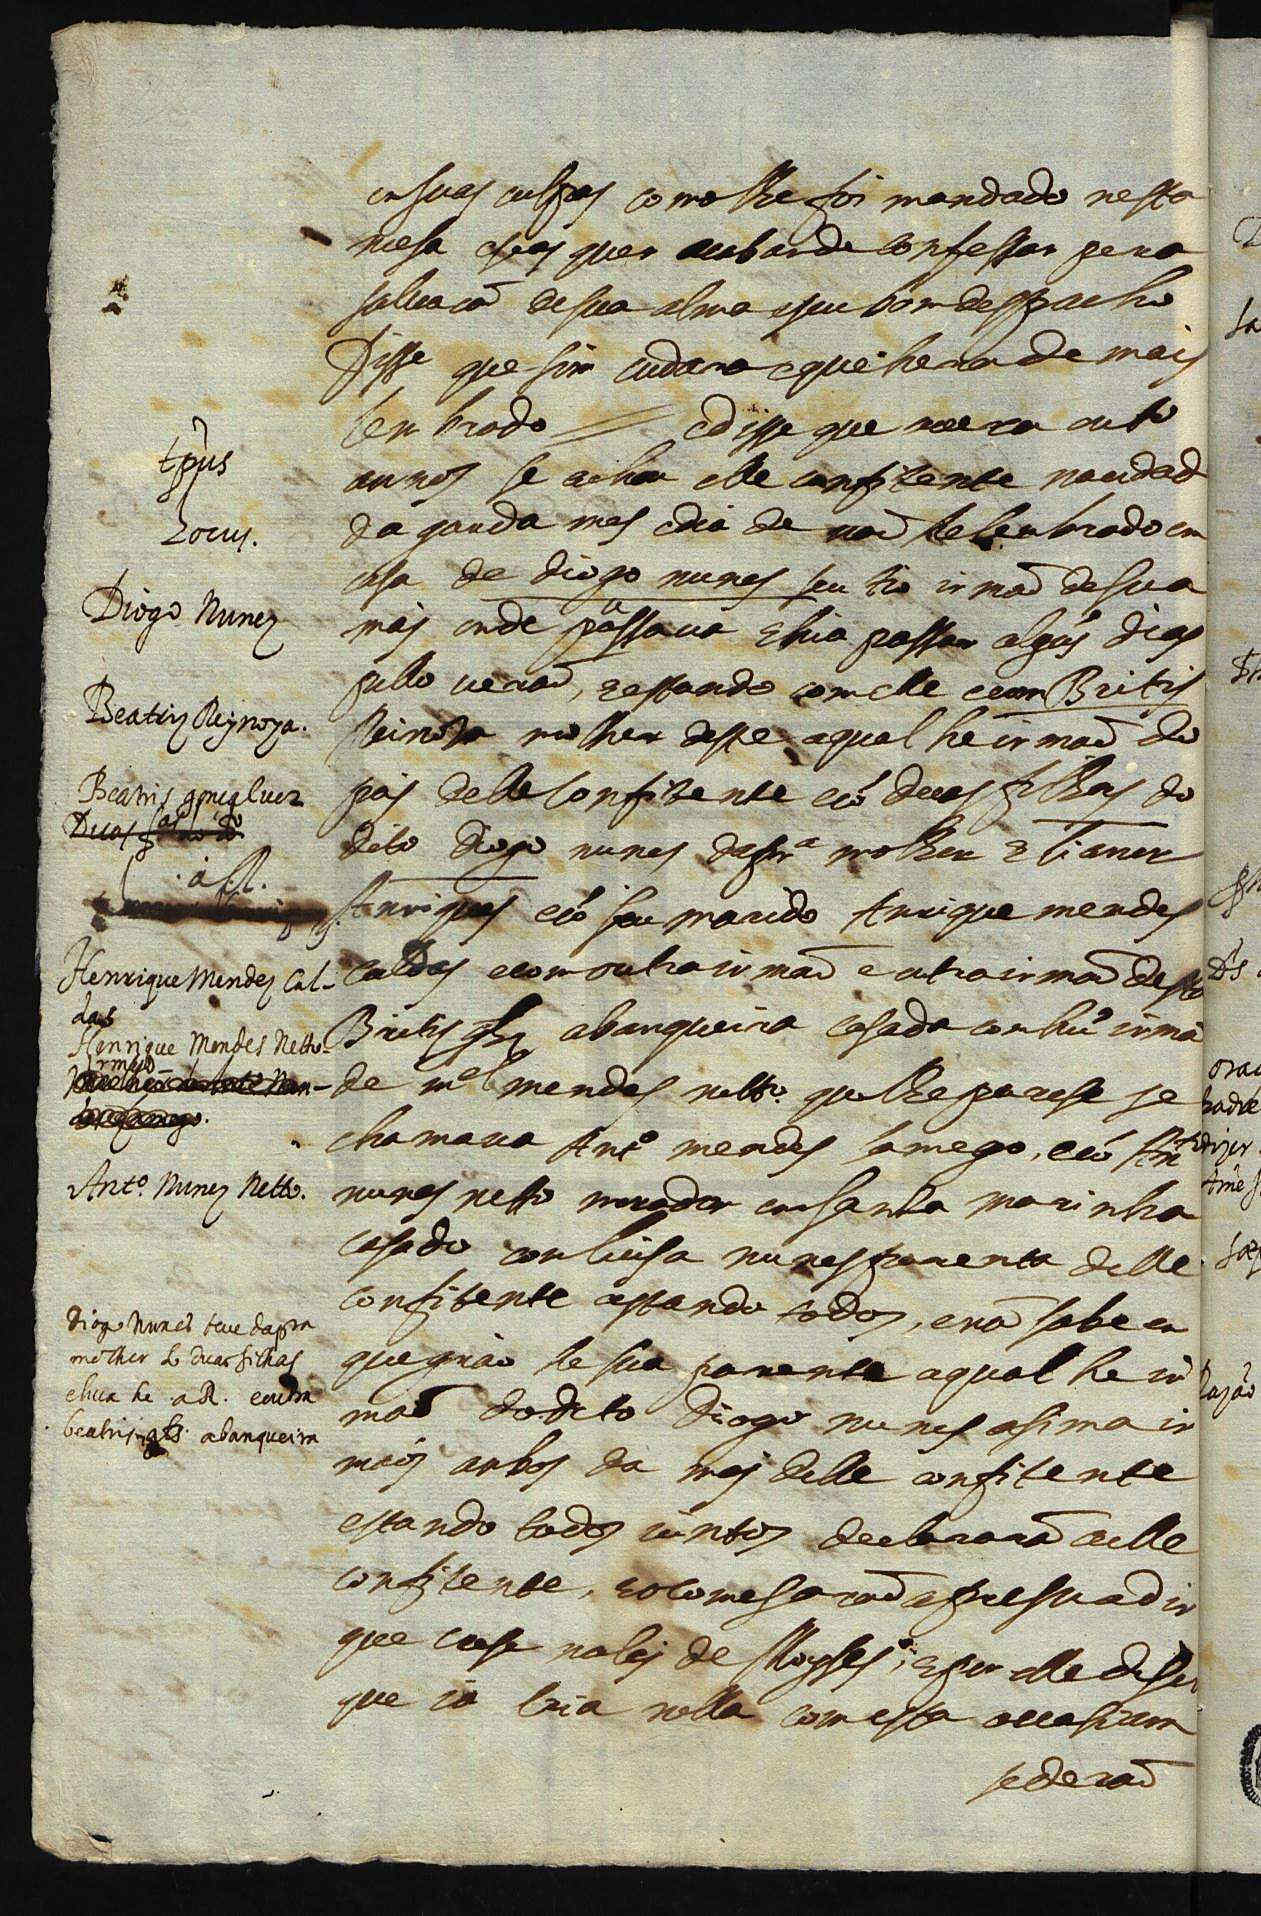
em suas culpas como lhe foi mandado nesta
mesa e se as quer acabar de confessar pera
saluaçaõ de sua alma e seu bom despacho
Disse que sim cudara e que hera de mais
lembrado e disse que auera outo
annos se achou elle confitente na cidad
da gauda mes e dia de naõ he lembrado em
casa de diogo nunes seu tio irmaõ de sua
maj onde passaua E hia passar algūs dias
pello ueraõ, e estando com elle e com Britis
Reinoza molher desse a qual he irmaõ do
paj delle confitente e cō duas filhas do
dito Diogo nunes da pra molher E lianor
Anriques e cō seu marido Anrique mendes
caldas e com outro irmaõ e outra irmā desta
Britis gl̄z a banqueira casada com hū irmaõ
de mel mendes netto. que lhe parese se
chamaua Anto mendes Lamego, e cō Anto
nunes netto morador em santa marinha
casado com luisa nunes parenta delle
confitente estando todos, e naõ sabe em
que grao de sua parente a qual he ir
mã do dito Diogo nunes asima ir
mãos anbos da maj delle confitente
estando todos iuntos declararaõ a elle
confitente, E o comesaraõ a presuadir
que crese na lej de Moyses; E por elle diser
que ia cria nella com esta occasiam
se deraõ
tpūs
Locus.
Diogo Nunez
Beatriz Reynoza.
Beatris gonçaluez
a R.
Henrique Mendez Cal
das
Henrique Mendes netto
Irmão
Ant.o nunez netto.
Diogo nunes teue da pra
molher so duas filhas
e hua he a R. e outra
beatris gl̄s. a banqueira
